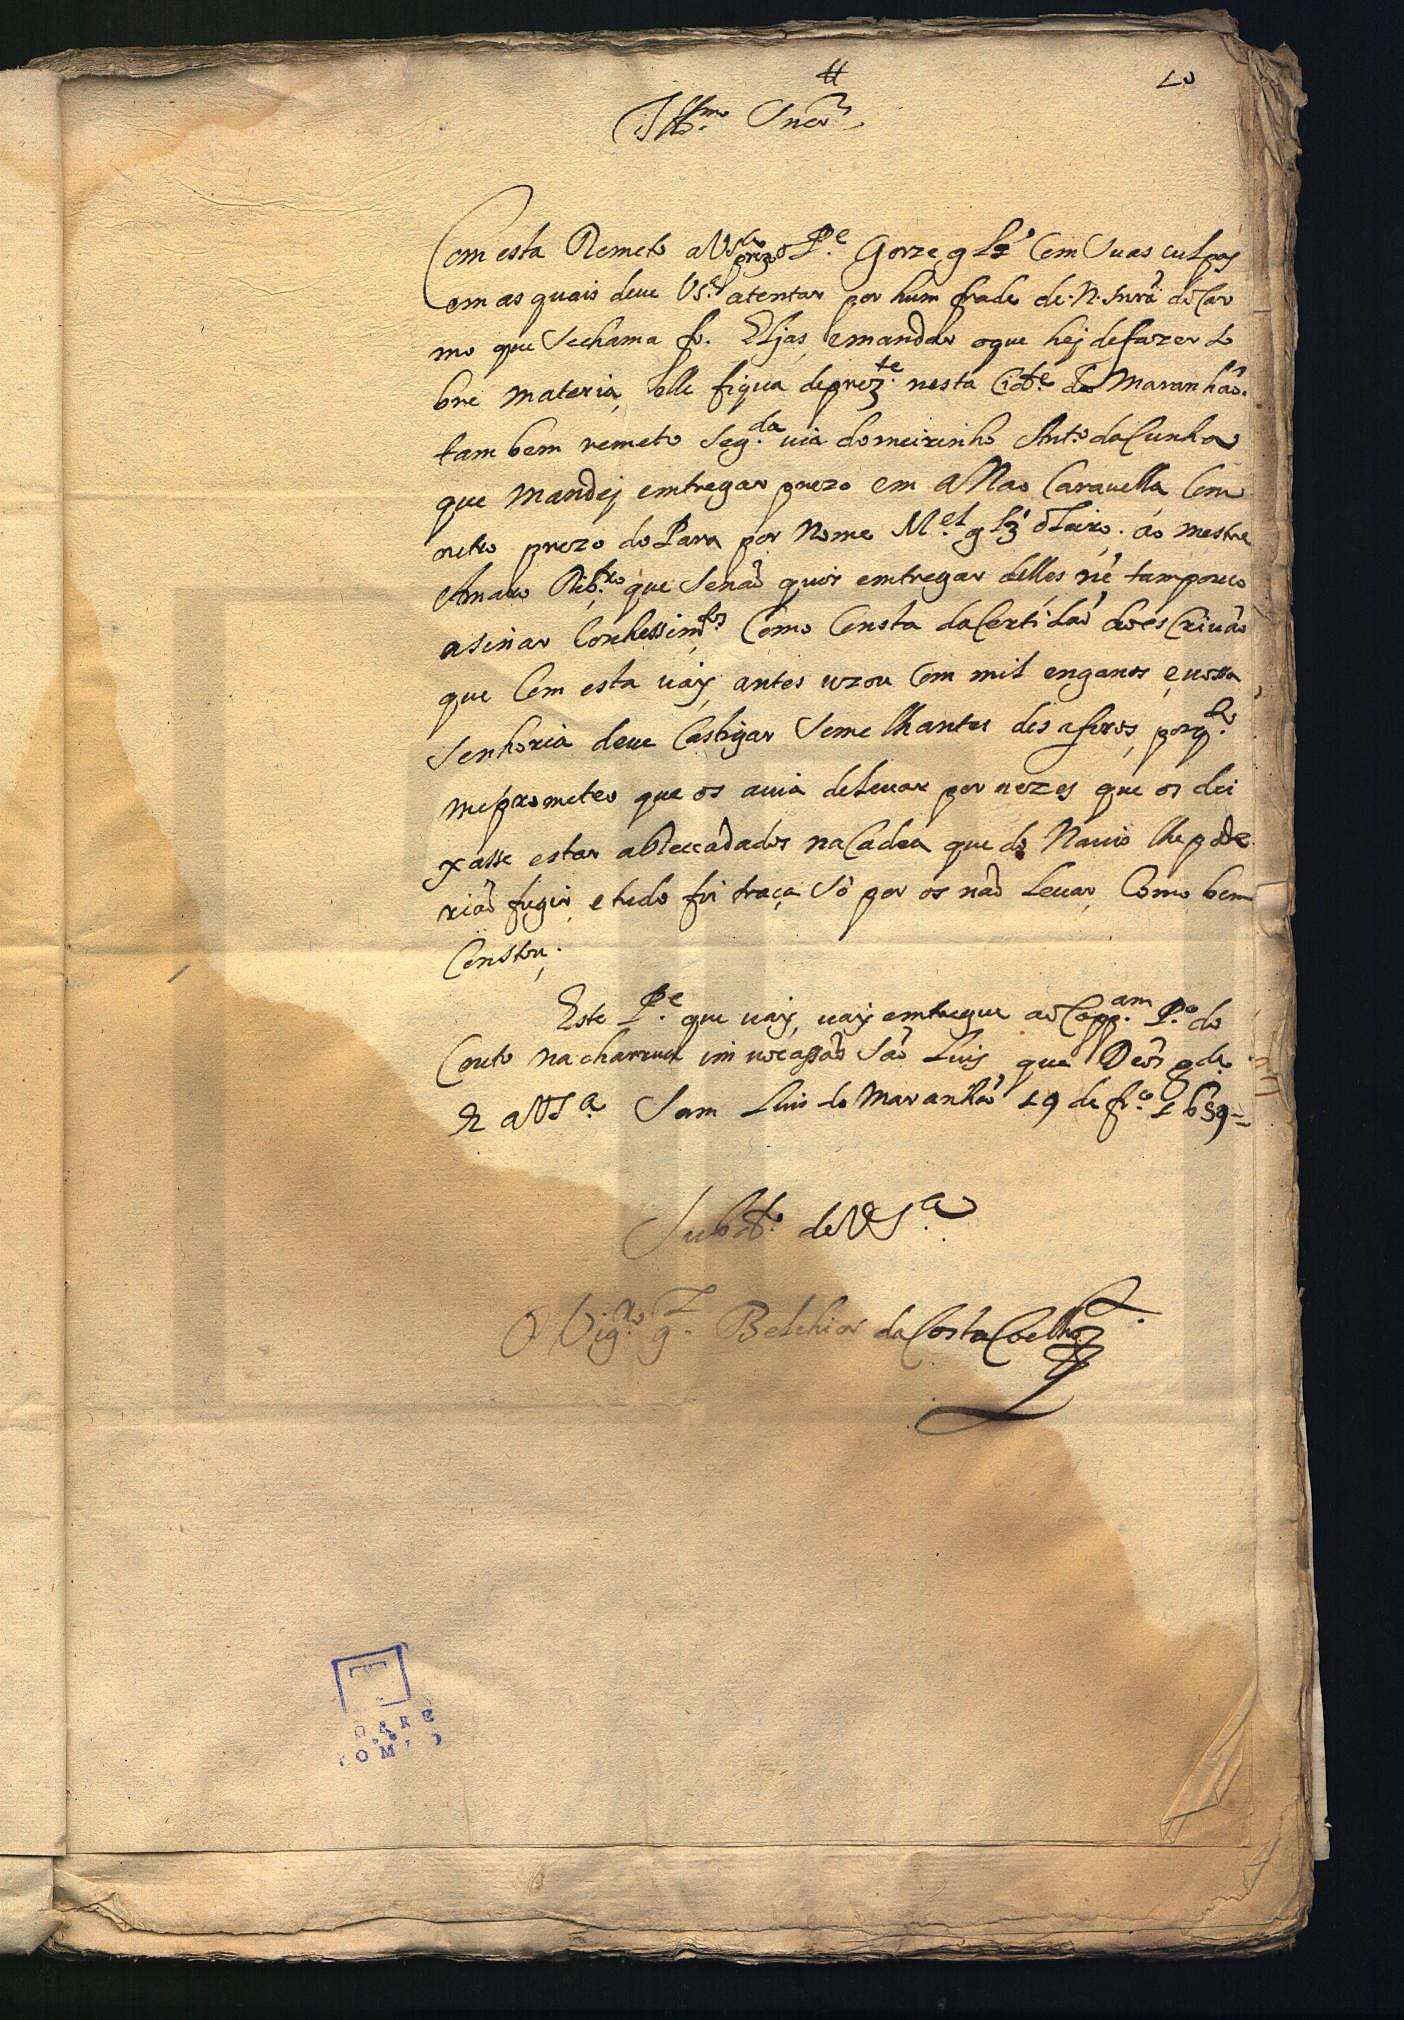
10
Ill.mo Snōr
Com esta Remeto a Vsa prezo o P.e Gorze glz̄ Com Suas culpas
em as quais deue Vs.a atentar por hum frade de N. Snrā do Car
mo que se chama fr. Elias, e mandar o que hej de fazer so
bre materia, elle fiqua de prez.te nesta Cid̄.e do Maranhaõ.
tambem remeto seg.da uia do meirinho Ant.o da Cunha
que mandej emtregar prezo em a Nao Carauella Com
outro prezo do Para por Nome M.el glz̄ oleiro; ao mestre
Amaro Rib.ro que se não quis emtregar delles nē tampouco
asinar Conhessim.tos Como Consta da Certidaõ do esCriuaõ
que Com esta uay, antes uzou com mil enganos, e uossa
Senhoria deue Castigar Semelhantes desaforos, porq.to
me prometeo que os auia de leuar por uezes que os dei
xasse estar aReccadados na Cadea que do Nauio lhe pode
riaõ fugir, e tudo foi traça só por os não leuar, Como bem
Constou;
Este P.e que uay, uay emtregue ao Capp.am P.o do
Couto na charrua imuocassão São Luis que Deos gde
E a V S.a Sam Luis do Maranhaõ 19 de fr.o 1659
Subd.o de V S.a
O Vigr.o g.L Belchior da Costa Coelho
